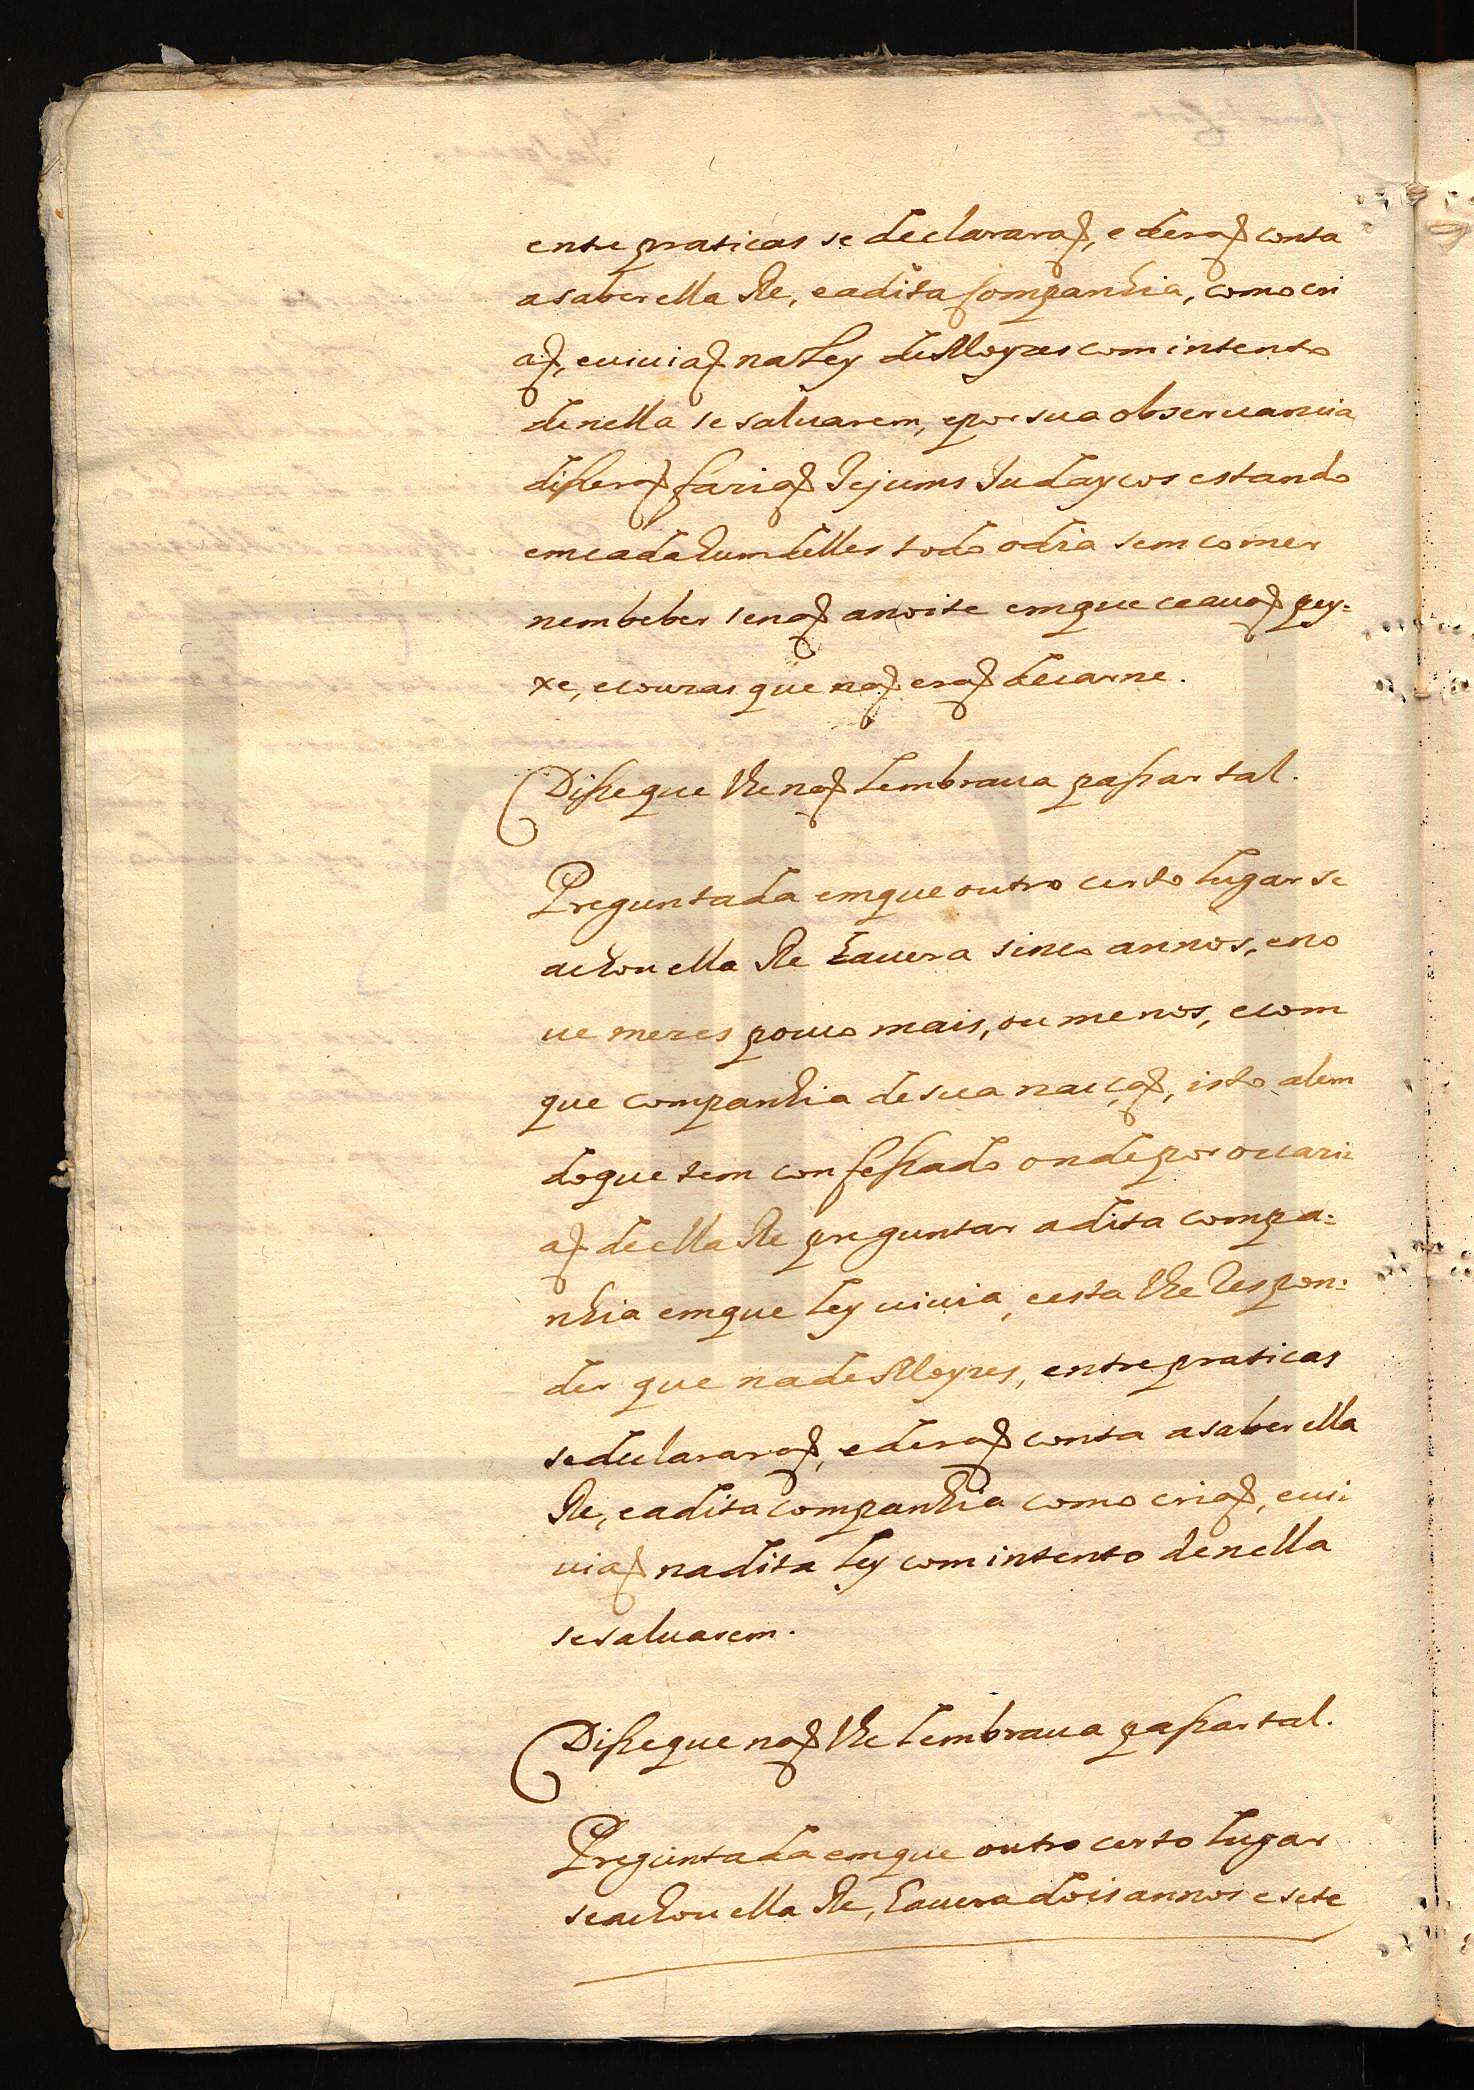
entre praticas se declararaõ, e deraõ conta
a saber ella Re, e a dita Companhia, como cri
aõ, e uiuiaõ na Ley de Moyzes com intento
de nella se saluarem, e por sua obseruancia
disseraõ faziaõ Jejums Judaycos estando
em cada hum delles todo o dia sem comer
nem beber se naõ a noite em que ceauaõ pey
xe, e couzas que naõ eraõ de carne.
Disse que lhe naõ lembraua passar tal.
Preguntada em que outro certo lugar se
achou ella Re hauera sinco annos, e no
ue mezes pouco mais, ou menos, e com
que companhia de sua nacçaõ, isto alem
do que tem confessado onde por occazi
aõ de ella Re preguntar a dita compa
nhia em que ley uiuia, e esta lhe Respon
der que na de Moyzes, entre praticas
se declararaõ e deraõ conta a saber ella
Re, e a dita companhia como criaõ, e ui
uiaõ na dita ley com intento de nella
se saluarem.
Disse que naõ lhe lembraua passar tal.
Preguntada em que outro certo lugar
se achou ella Re, hauera dois annos e sete
